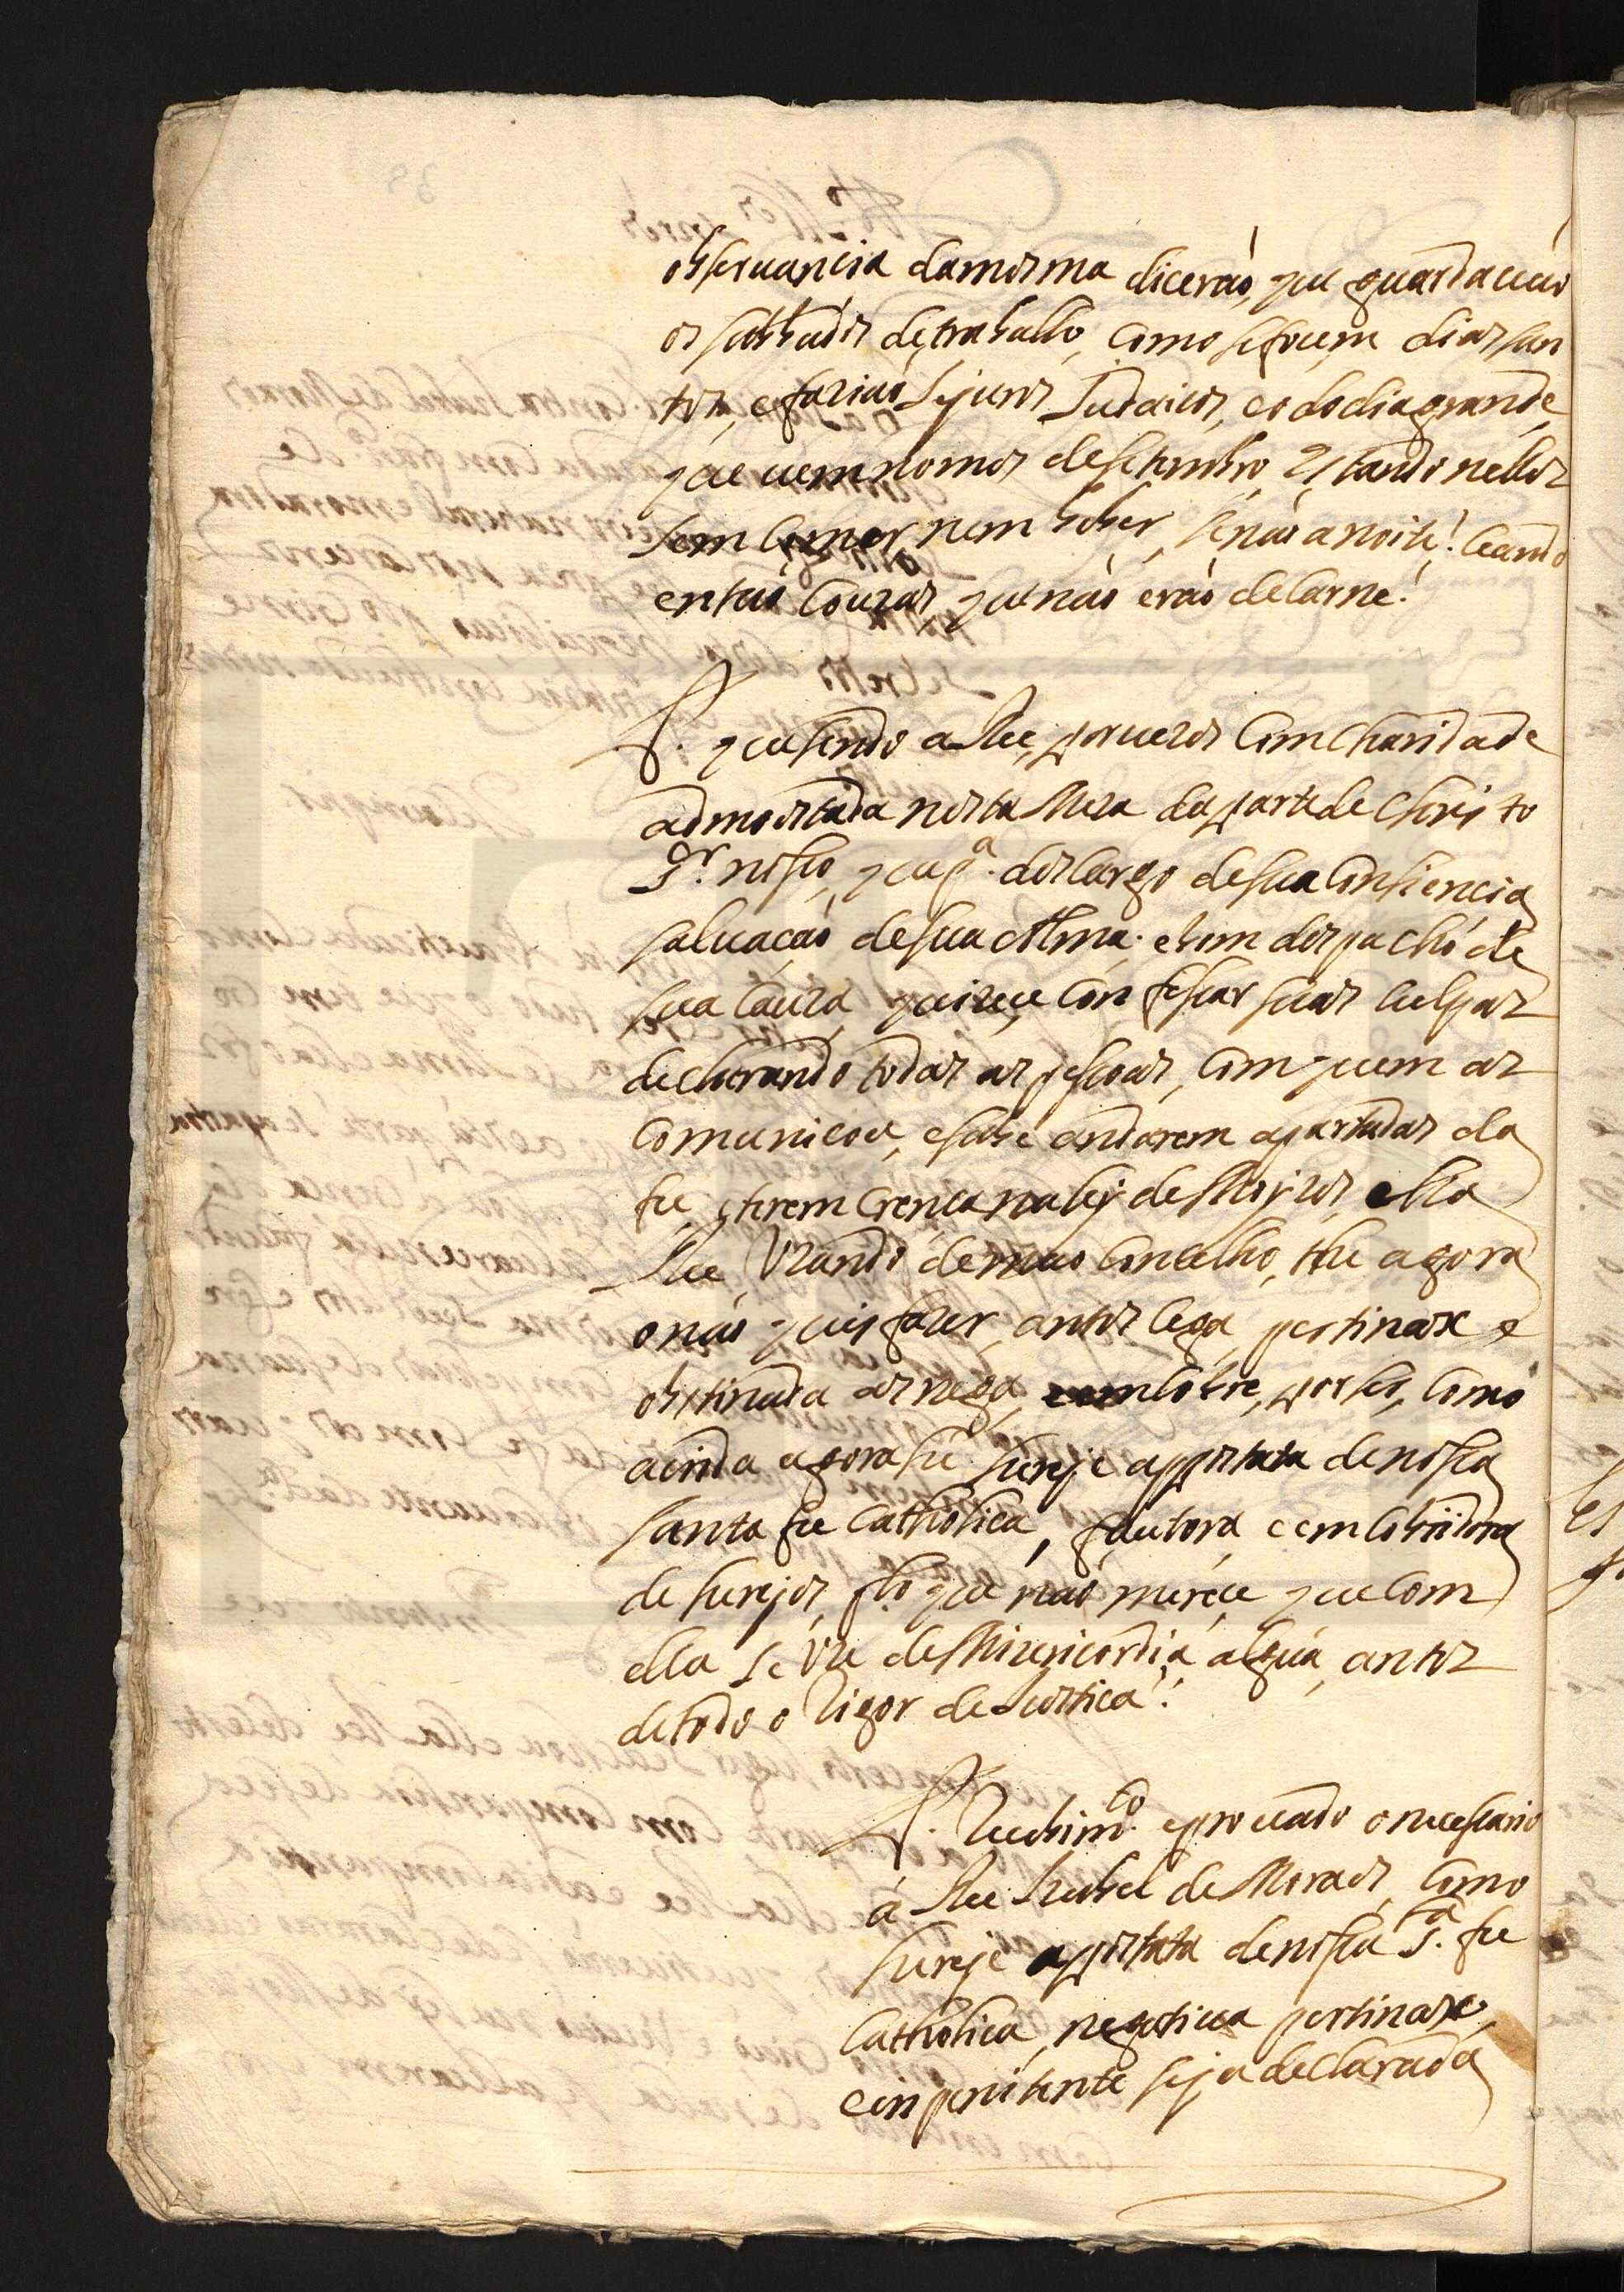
obseruancia da mesma diceraō, que guardauaõ
os sabbados de trabalho como se foçem dias san
tos, e faziaō Iejuns Iudaicos, e o do dia grande,
que uem no mes de setembro, Estando nellez
sem comer nem beber, senaõ a noite! Ceando
entaõ Couzas, que naõ eraõ de Carne!
P. que sendo a Ree, por uezes Com charidade
admoestada nesta Meza da parte de christo
s.or nosso, que p.a desCargo de sua consiencia
saluaçaõ de sua Alma e bom despacho de
sua cauza, quizeçe confessar suas culpaz
declarando todas as pessoas, com quem as
comunicou, e sabe andarem apartadas da
fee, e terem crença na ley de Moyzes, ella
Ree Vzando de mao Concelho, the agora
o naõ quis fazer, antes Cega, pertinax e
obstinada as nega, e emcobre, por ser, como
ainda agora hé hereje appostata de nossa
santa fee catholica, fautora, e emCobridora
de herejes, plo que naõ merece que com
ella se vze de Mizericordia, alguā, antez
de todo o Rigor de Iustiça!
P. Recebim.to e prouado o necessario
á Ree Izabel de Moraes, como
hereje apostata de nossa s.ta fee
Catholica, negatiua pertinax,
e inpenitente seja declarada
